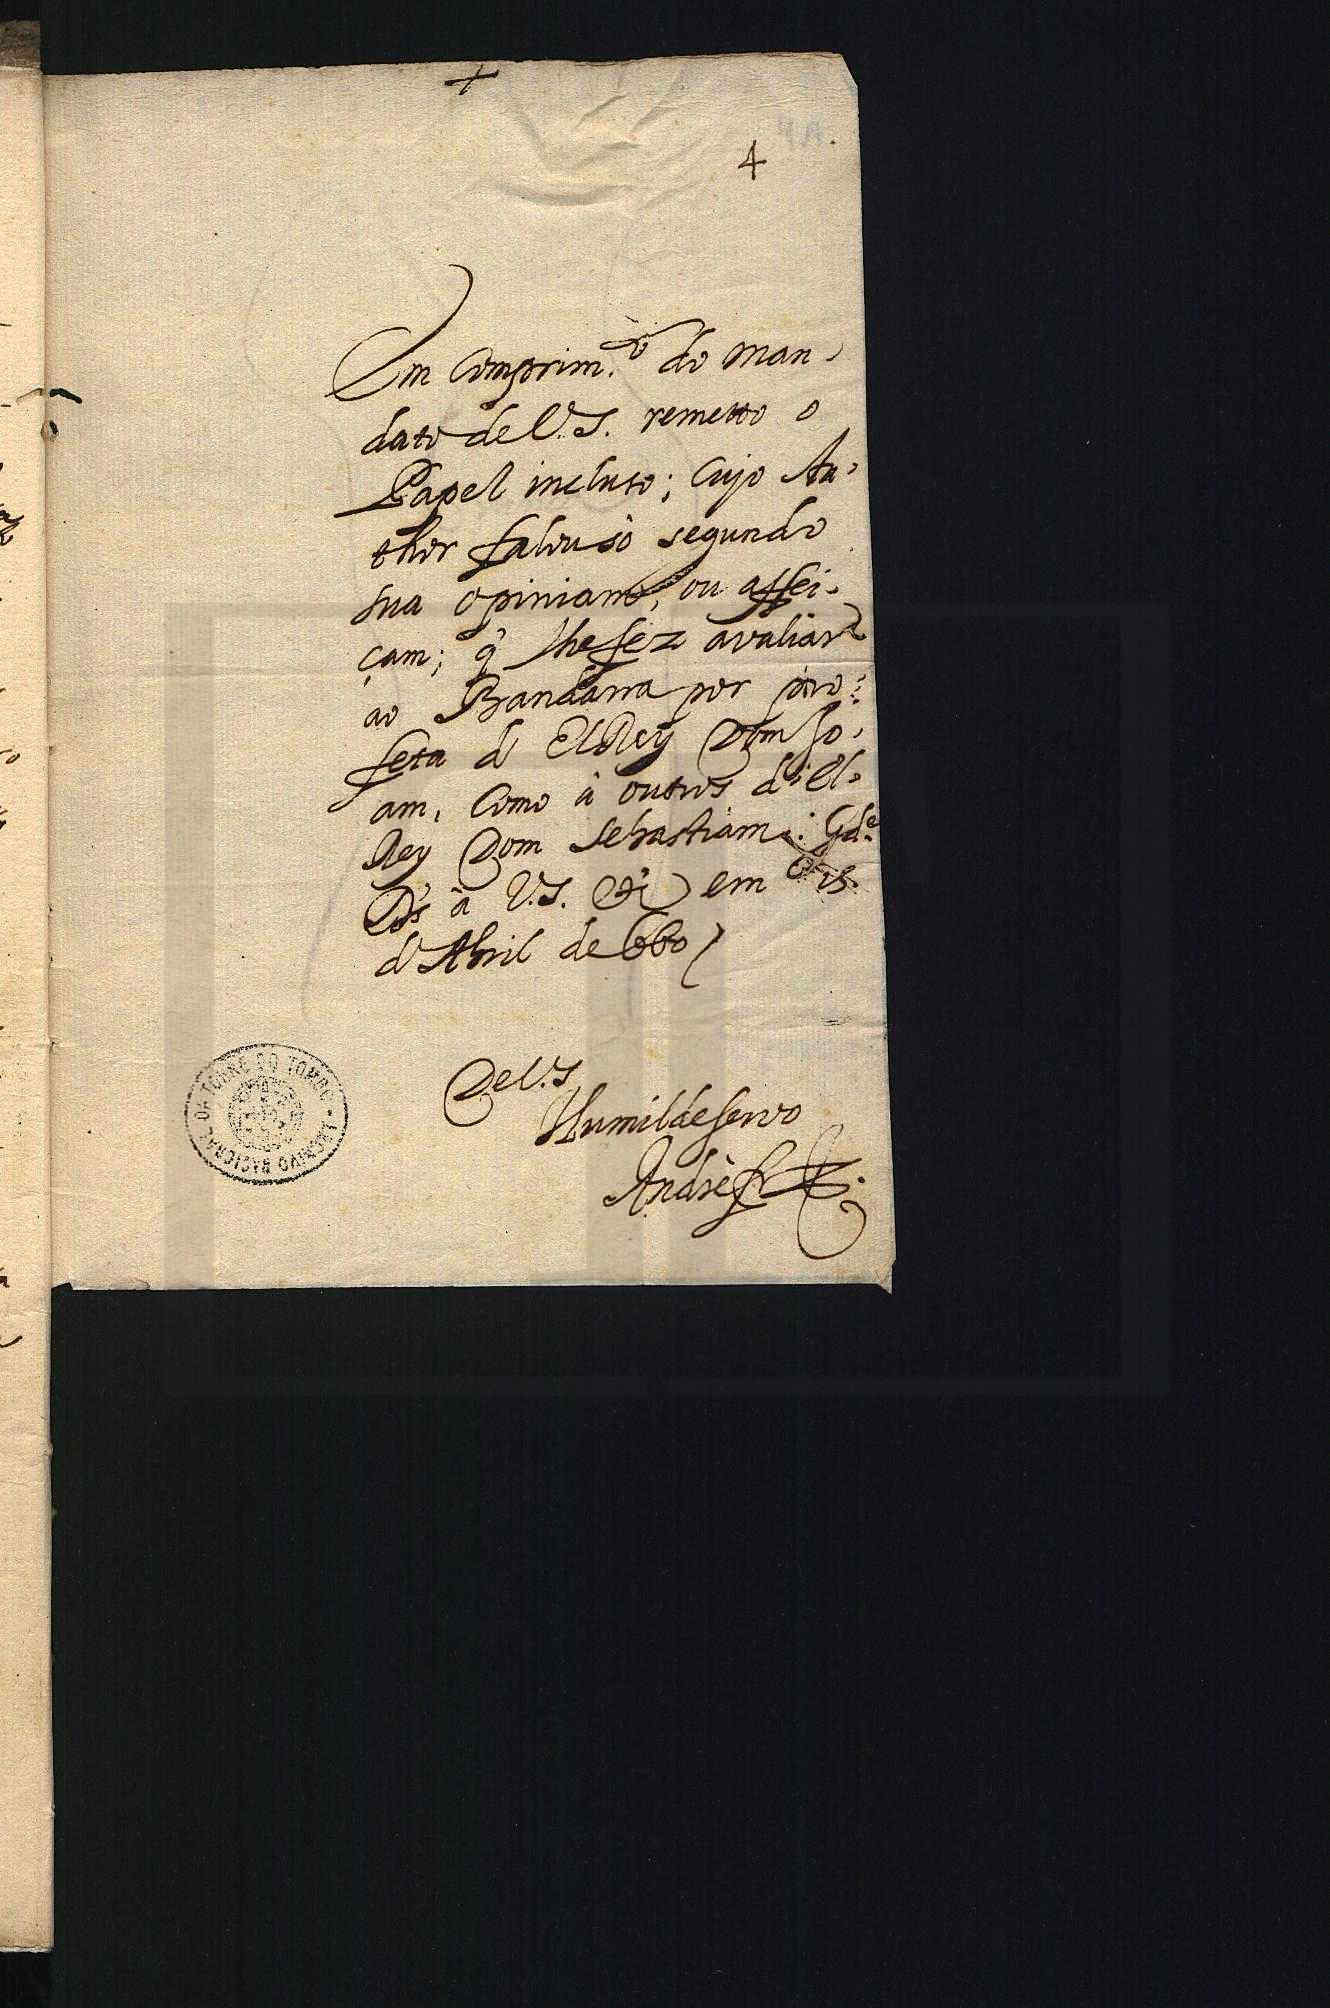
Em comprim.to do man
dato de V. S. remetto o
Papel incluso; cujo Au
thor falou sò segundo
sua opiniam, ou affei-
çam; q̄ lhe fez avaliar
ao Bandarra por pro
feta d' El Rey Dom Jo
am, como à outros d'El
Rey Dom Sebastiam: Gd.e
Ds̄ à V. S. &c em 15.
d'Abril de 660 /
De V. S.
Humilde Servo
Andrè Frz̄.
